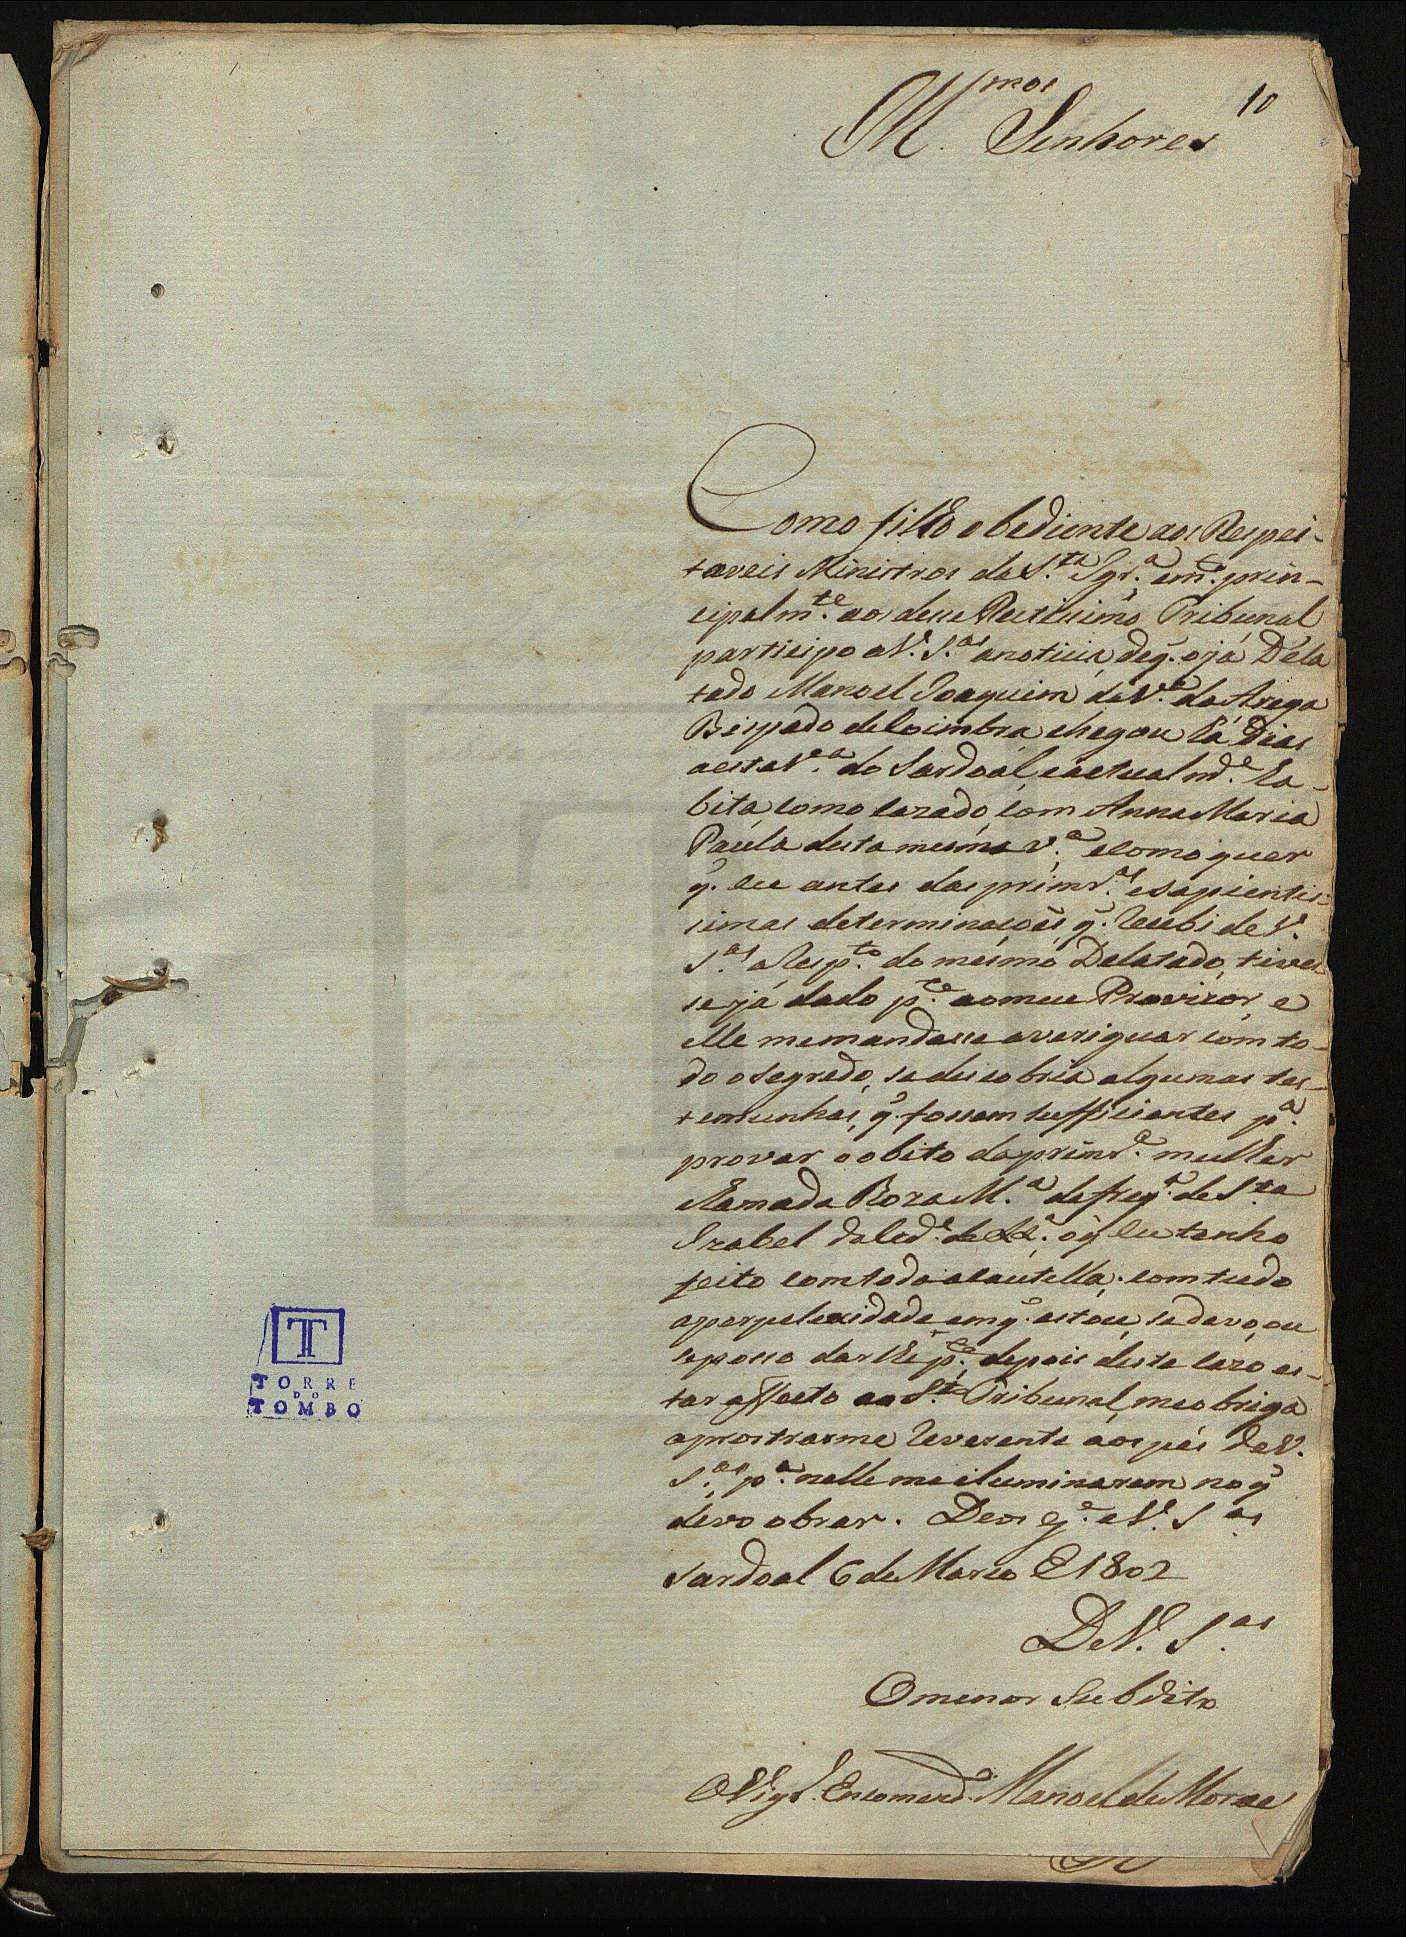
Como filho obediente aos Respei
taveis Ministros da S.ta Igr.a e m.to prin
cipalm.te aos desse Rectissimo Tribunal
participo a V. S.as a noticia, de q̄ o já Dela
tado Manoel Ioaquim da V.a da Arega
Bispado de Coimbra, chegou há dias
a esta V.a do Sardoal, e actualm.te há
bita, como cazado, com Anna Maria
Paula desta mesma V.a; e como quer
q̄ eu antes das primer.as e sapientis
simas determinaçoẽs q̄ Recebi de V.
S.as a Resp.to do mesmo Delatado, tives
se já dado p.te ao meu Provizor, e
elle me mandasse averiguar com do
do o segredo, se descobria algumas tes
temunhas, q̄ fossem suficientes p.a
provar o obito da primr.a mulher
chamada Roza M.a da freg.a de S.ta
Izabel da Cid.a de Lx., o q̄ eu tenho
feito com toda a cautella; comtudo
a perpelexidade, em q̄ estou, se devo, ou
se posso darlhe p.te depois deste cazo es
tar affecto ao S.to Tribunal, me obriga
a prostrarme Reverente aos pés de V.
S.as p.a nelle me iluminarem no q̄
devo obrar. Deos g.e a V. S.as
sardoal 6 de Marco d̄ 1802
De V. S.as
O menor subdito
O Vigr.o Encomend.o Manoel de Moraes
